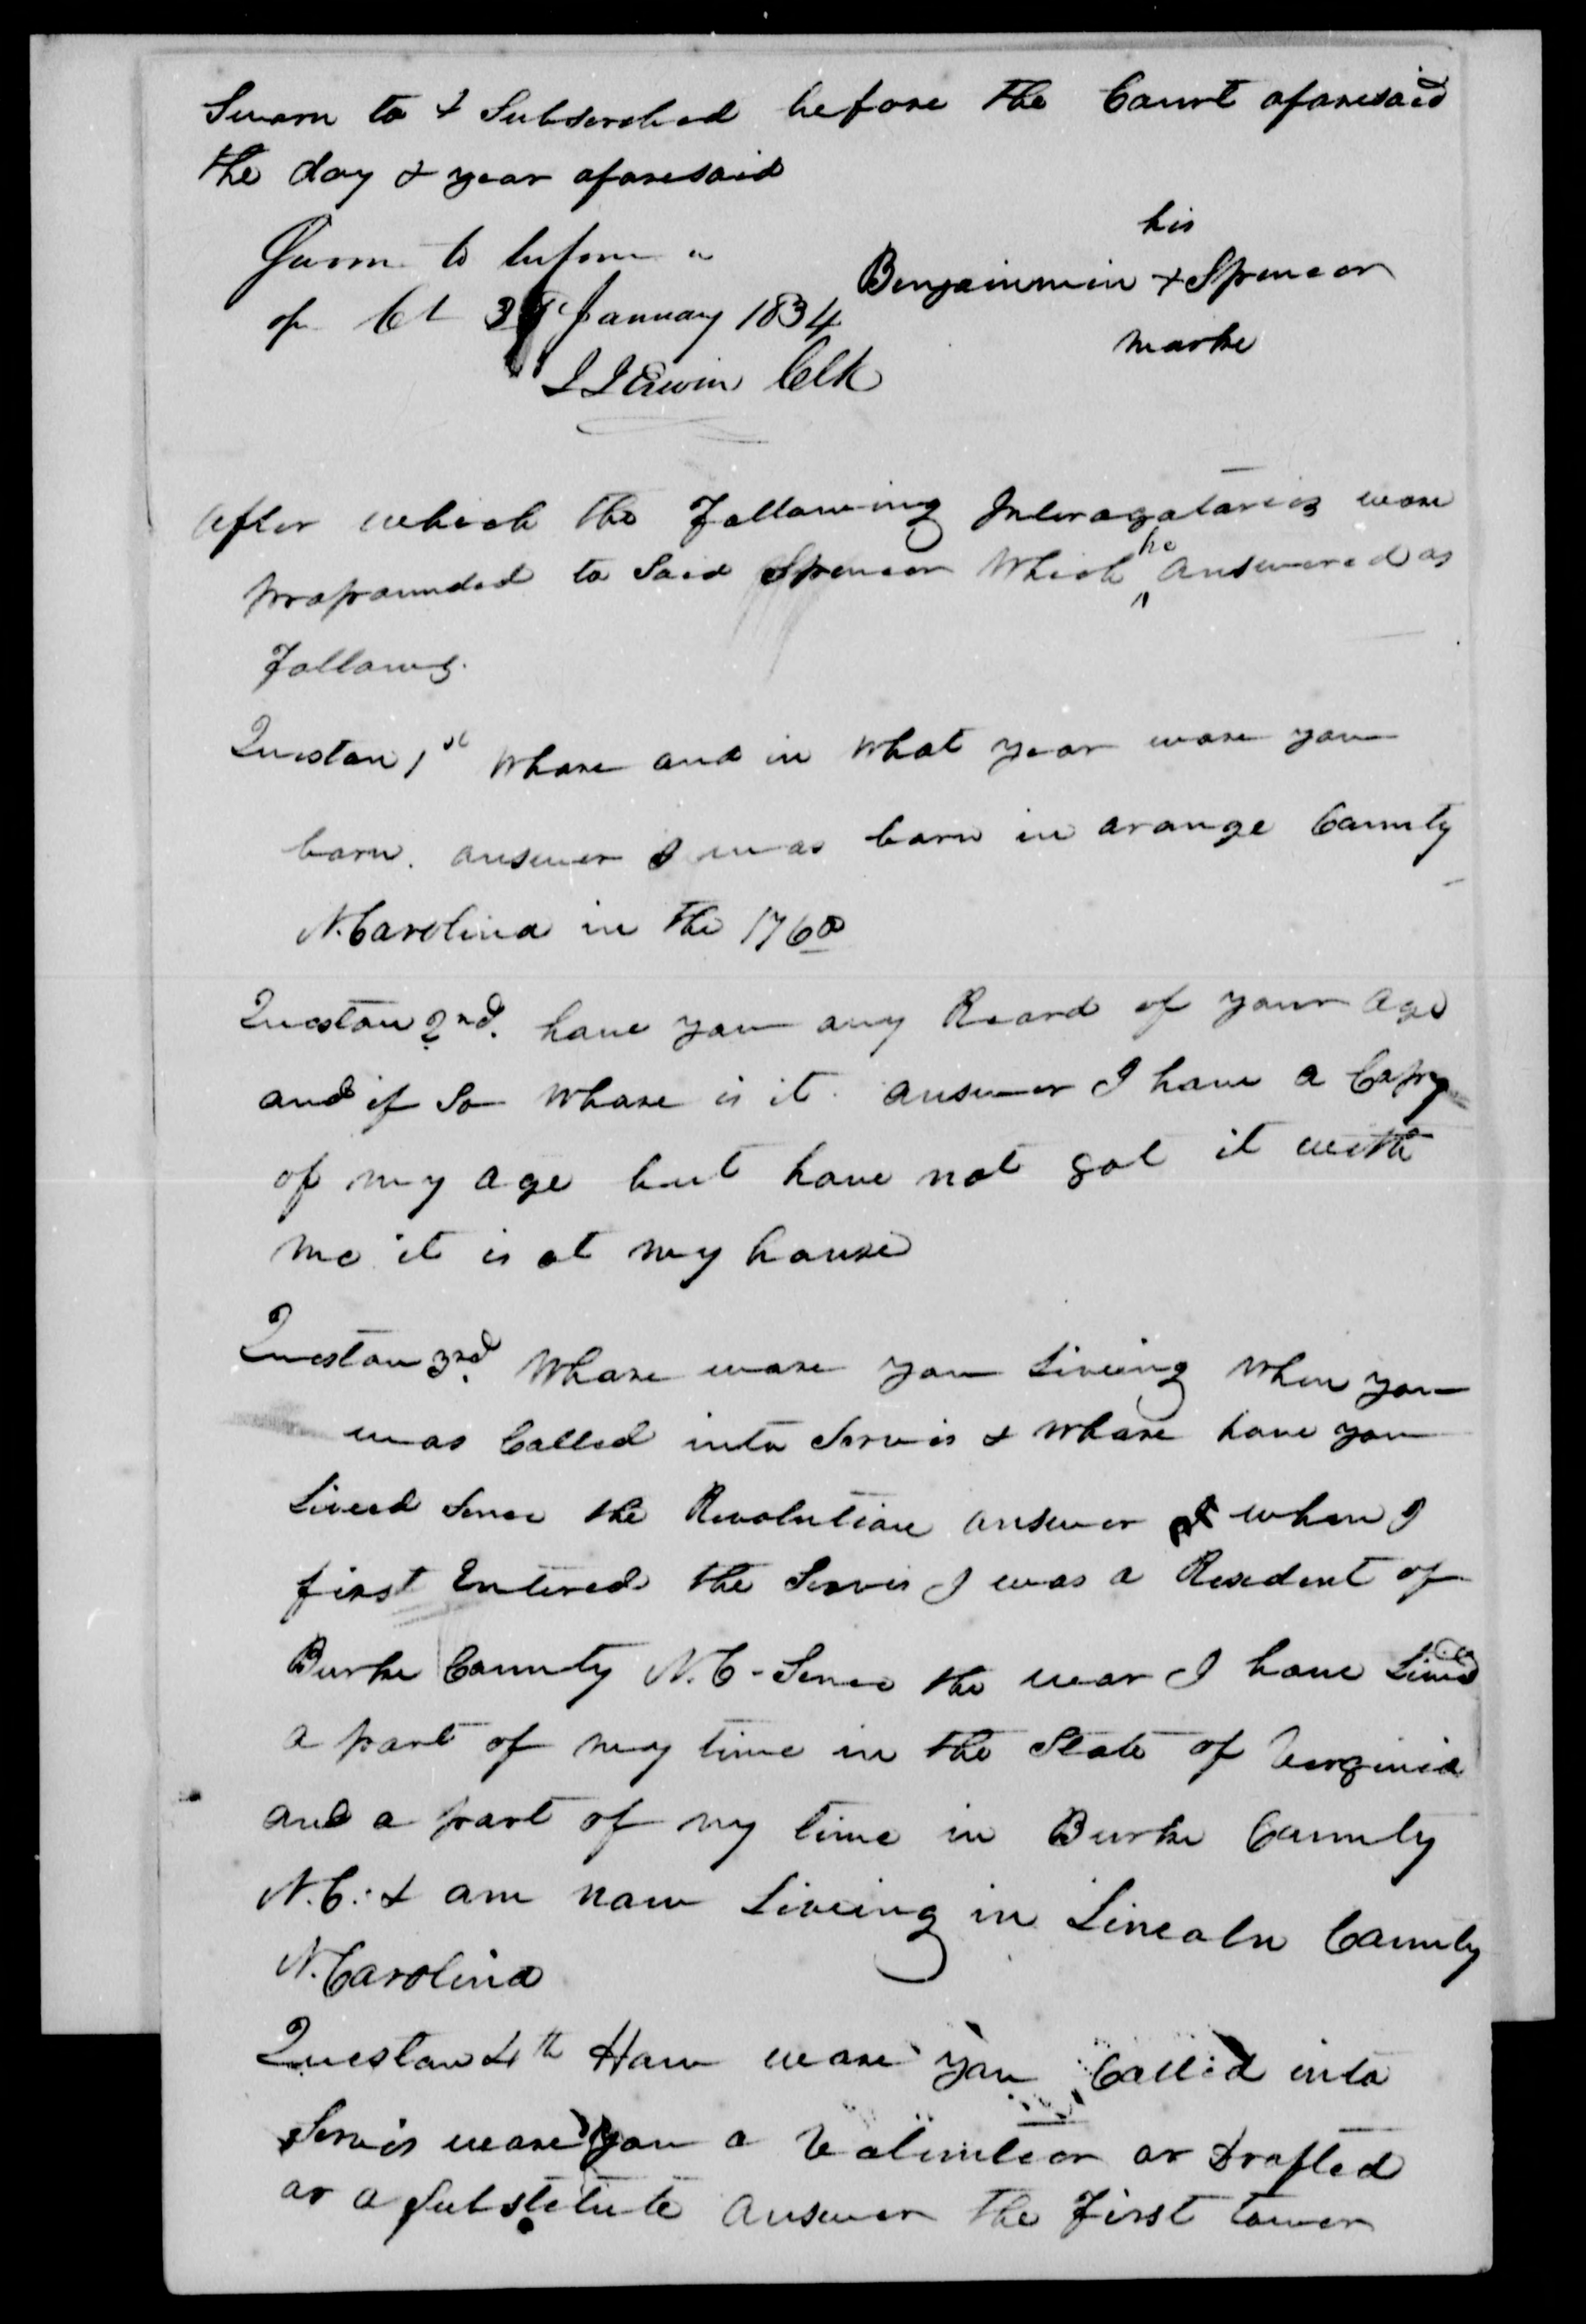Sworn to & Subscribed before the Court aforesaid
the day & year aforesaid
Given to before in open court
3? January 1834
J. J. Erwin Clk
Benjamin  Spencer
his mark
After which the following Interrogatories were
propounded to said Spencer which he answered as follows
Question 1st Where and in what year were you
born answer I was born in Orange County
N. Carolina in the 1760
Question 2nd have you any Record of your age
and if so where is it answer I have a copy
of my age but have not got it with
me it is at my house
Question 3rd. Where were you living when you
was called into service & where have you
lived since the Revolution answer when I
first entered the service I was a resident of
Burke County N.C. Since the war I have lived
a part of my time in the State of Virginia
and a part of my time in Burke County
N.C. & am now living in Lincoln County
N. Carolina
Question 4th How were you called into
service were you a volunteer or drafted
a substitute answer the first tour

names: [BLANK] Spencer; Benjammin Spencer; J J Erwin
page: 9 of 63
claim: widow's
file: W. 6158, for Benjamin Spencer, North Carolina